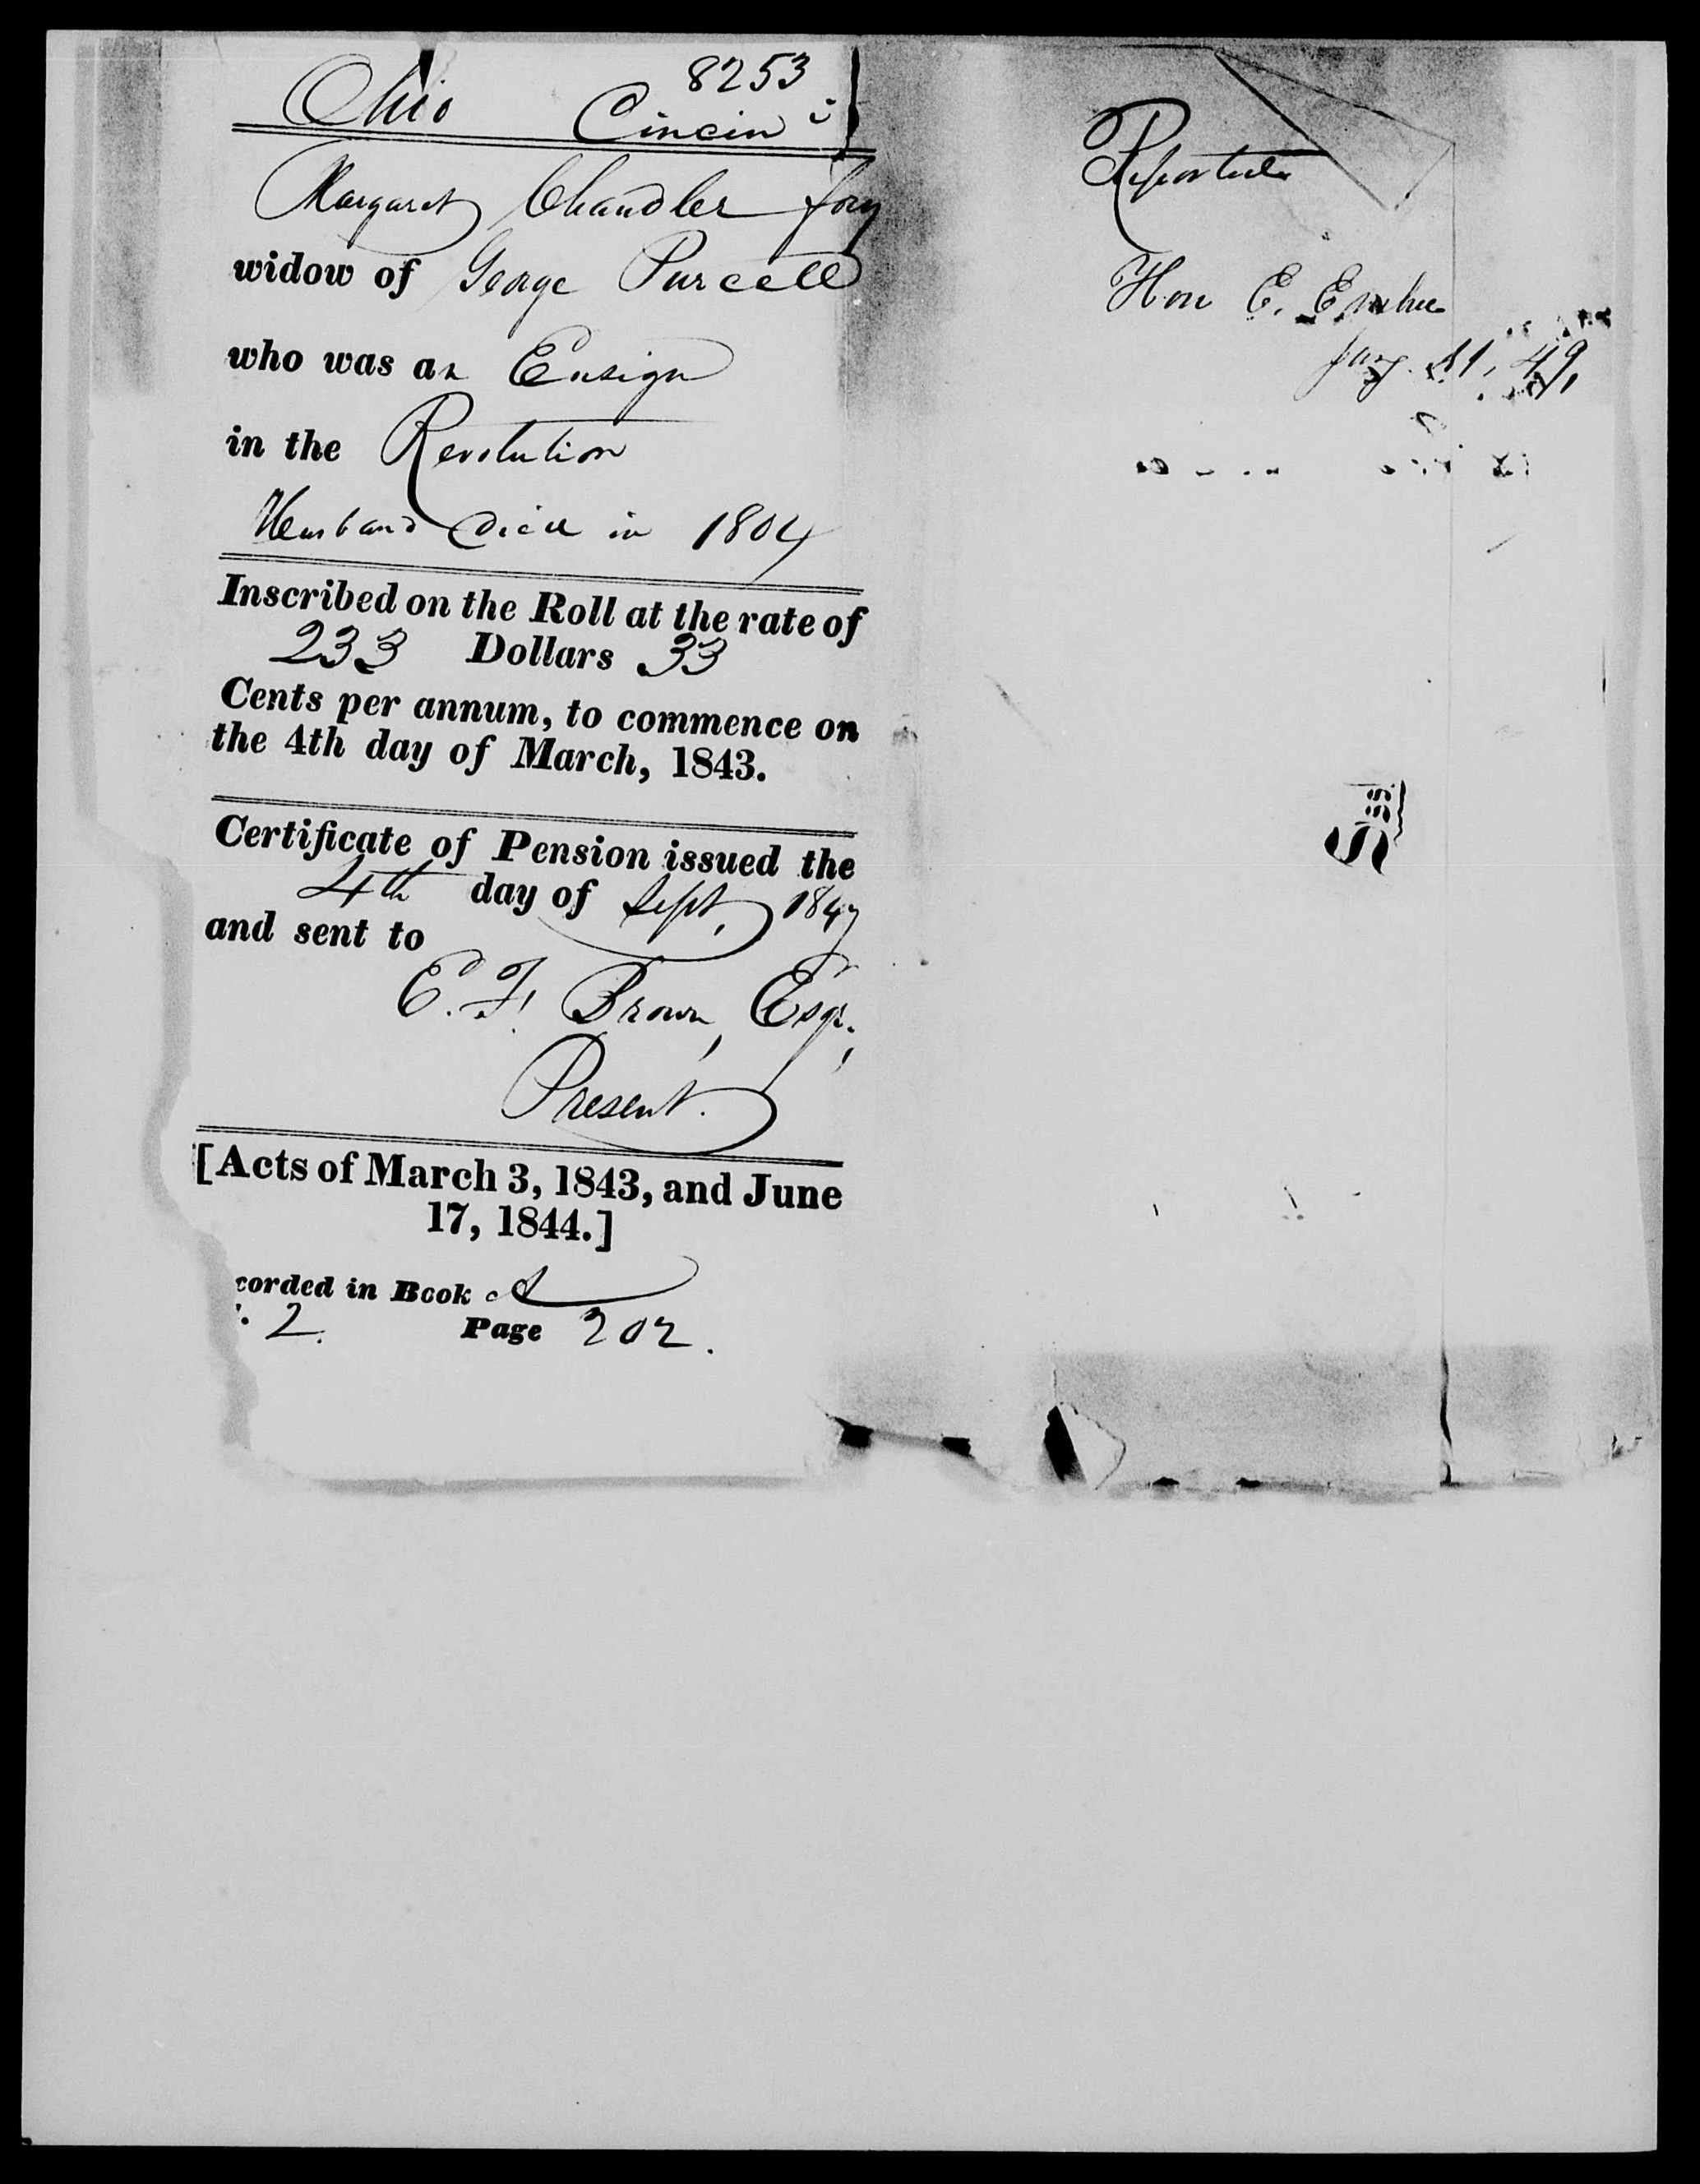8253
Ohio Cincin
Margaret Chandler for widow of George Purcell who was an Ensign in the Revolution Husband died in 1804
Inscribed on the Roll at the rate of 233 Dollars 33 Center per annum, to commence on the 4th day of March, 1843.
Certificate of Pension issued the 4th day of Sept 1844 and sent to E. F. Brown, Esq. Present
[Acts of March 3, 1843, and June 17, 1844.]
corded in Book A
2 Page 202.

Reported Hon E. Ember July 11, 49
Sss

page: 21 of 86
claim: widow's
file: W. 6661, for George Purcell, Virginia